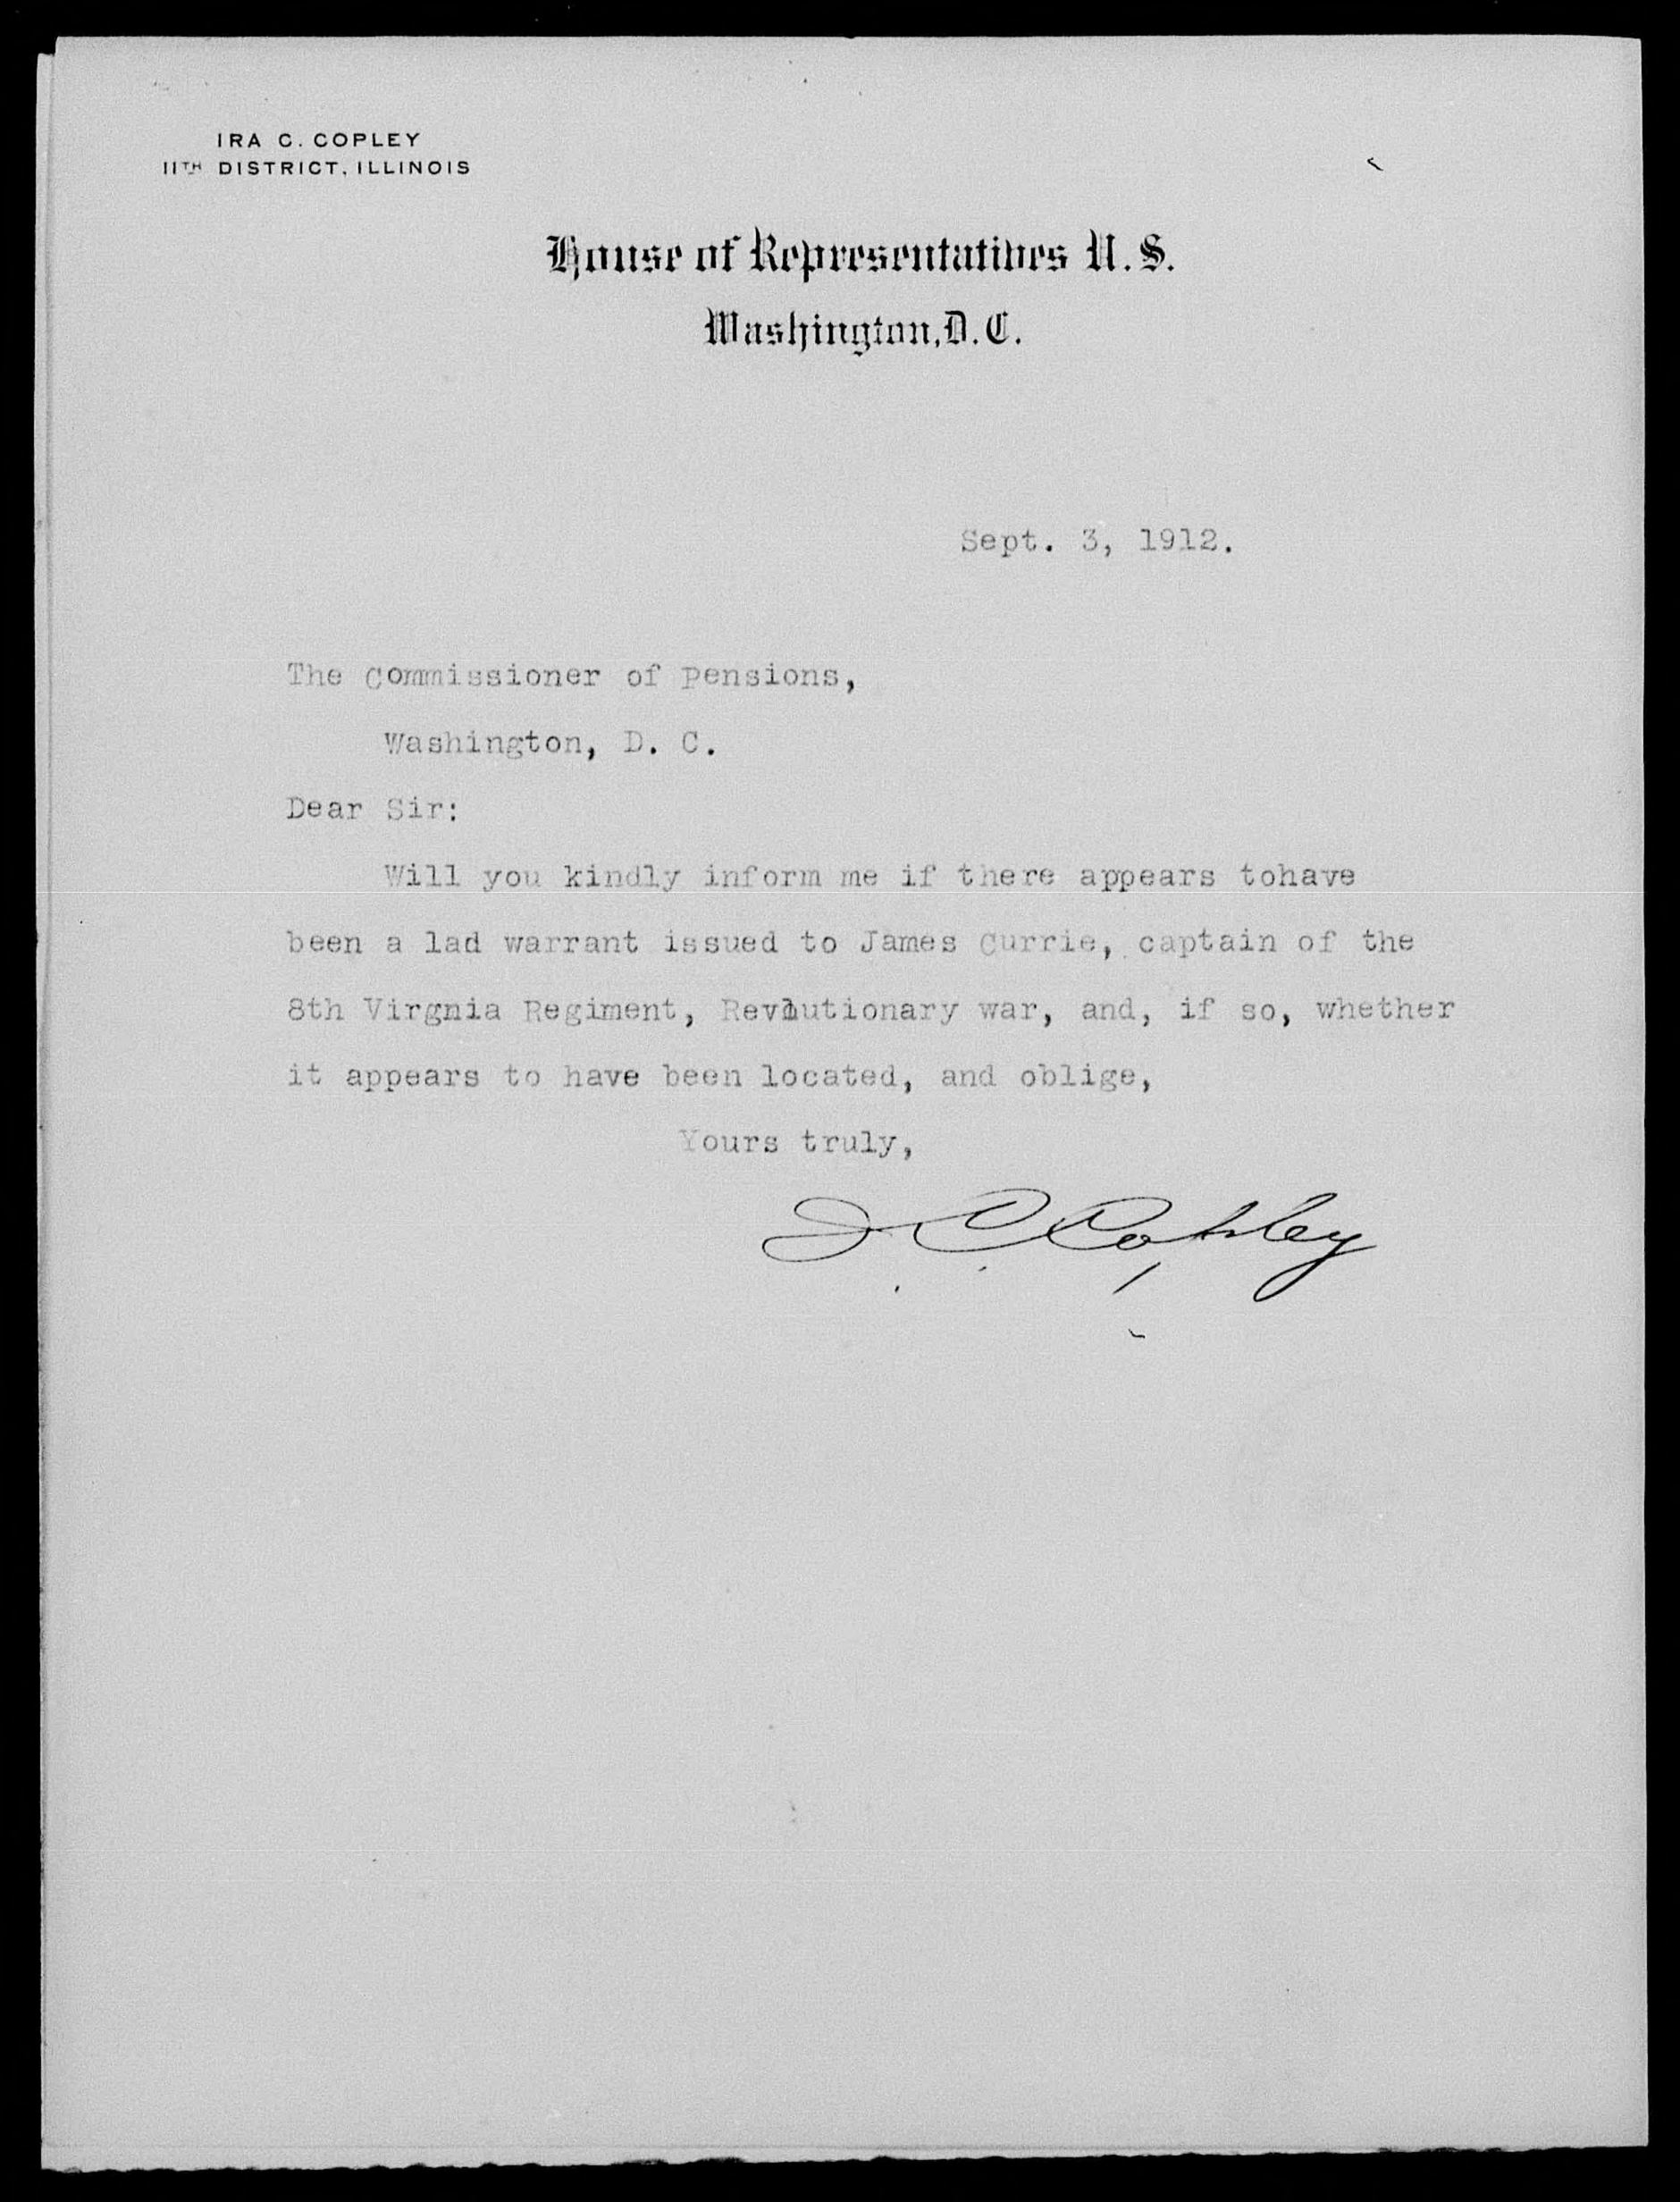IRA C COPLEY
11TH DISTRICT, ILLINOIS
House of Representatives U. S.
Washington, D C.
Sept. 3, 1912.
The Commissioner of Pensions,
Washington, D. C.
Dear Sir:
Will you kindly inform me if there appears to have
been a lad warrant issued to James Currie, captain of the
8th Virginia Regiment, Revolutionary war, and, if so, whether
it appears to have been located, and oblige,
Yours truly,
I. C. Copley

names: Ira C Copley, James Currie, I C Copley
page: 27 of 32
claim: survivor's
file: S. 44230, James Curry, Va.